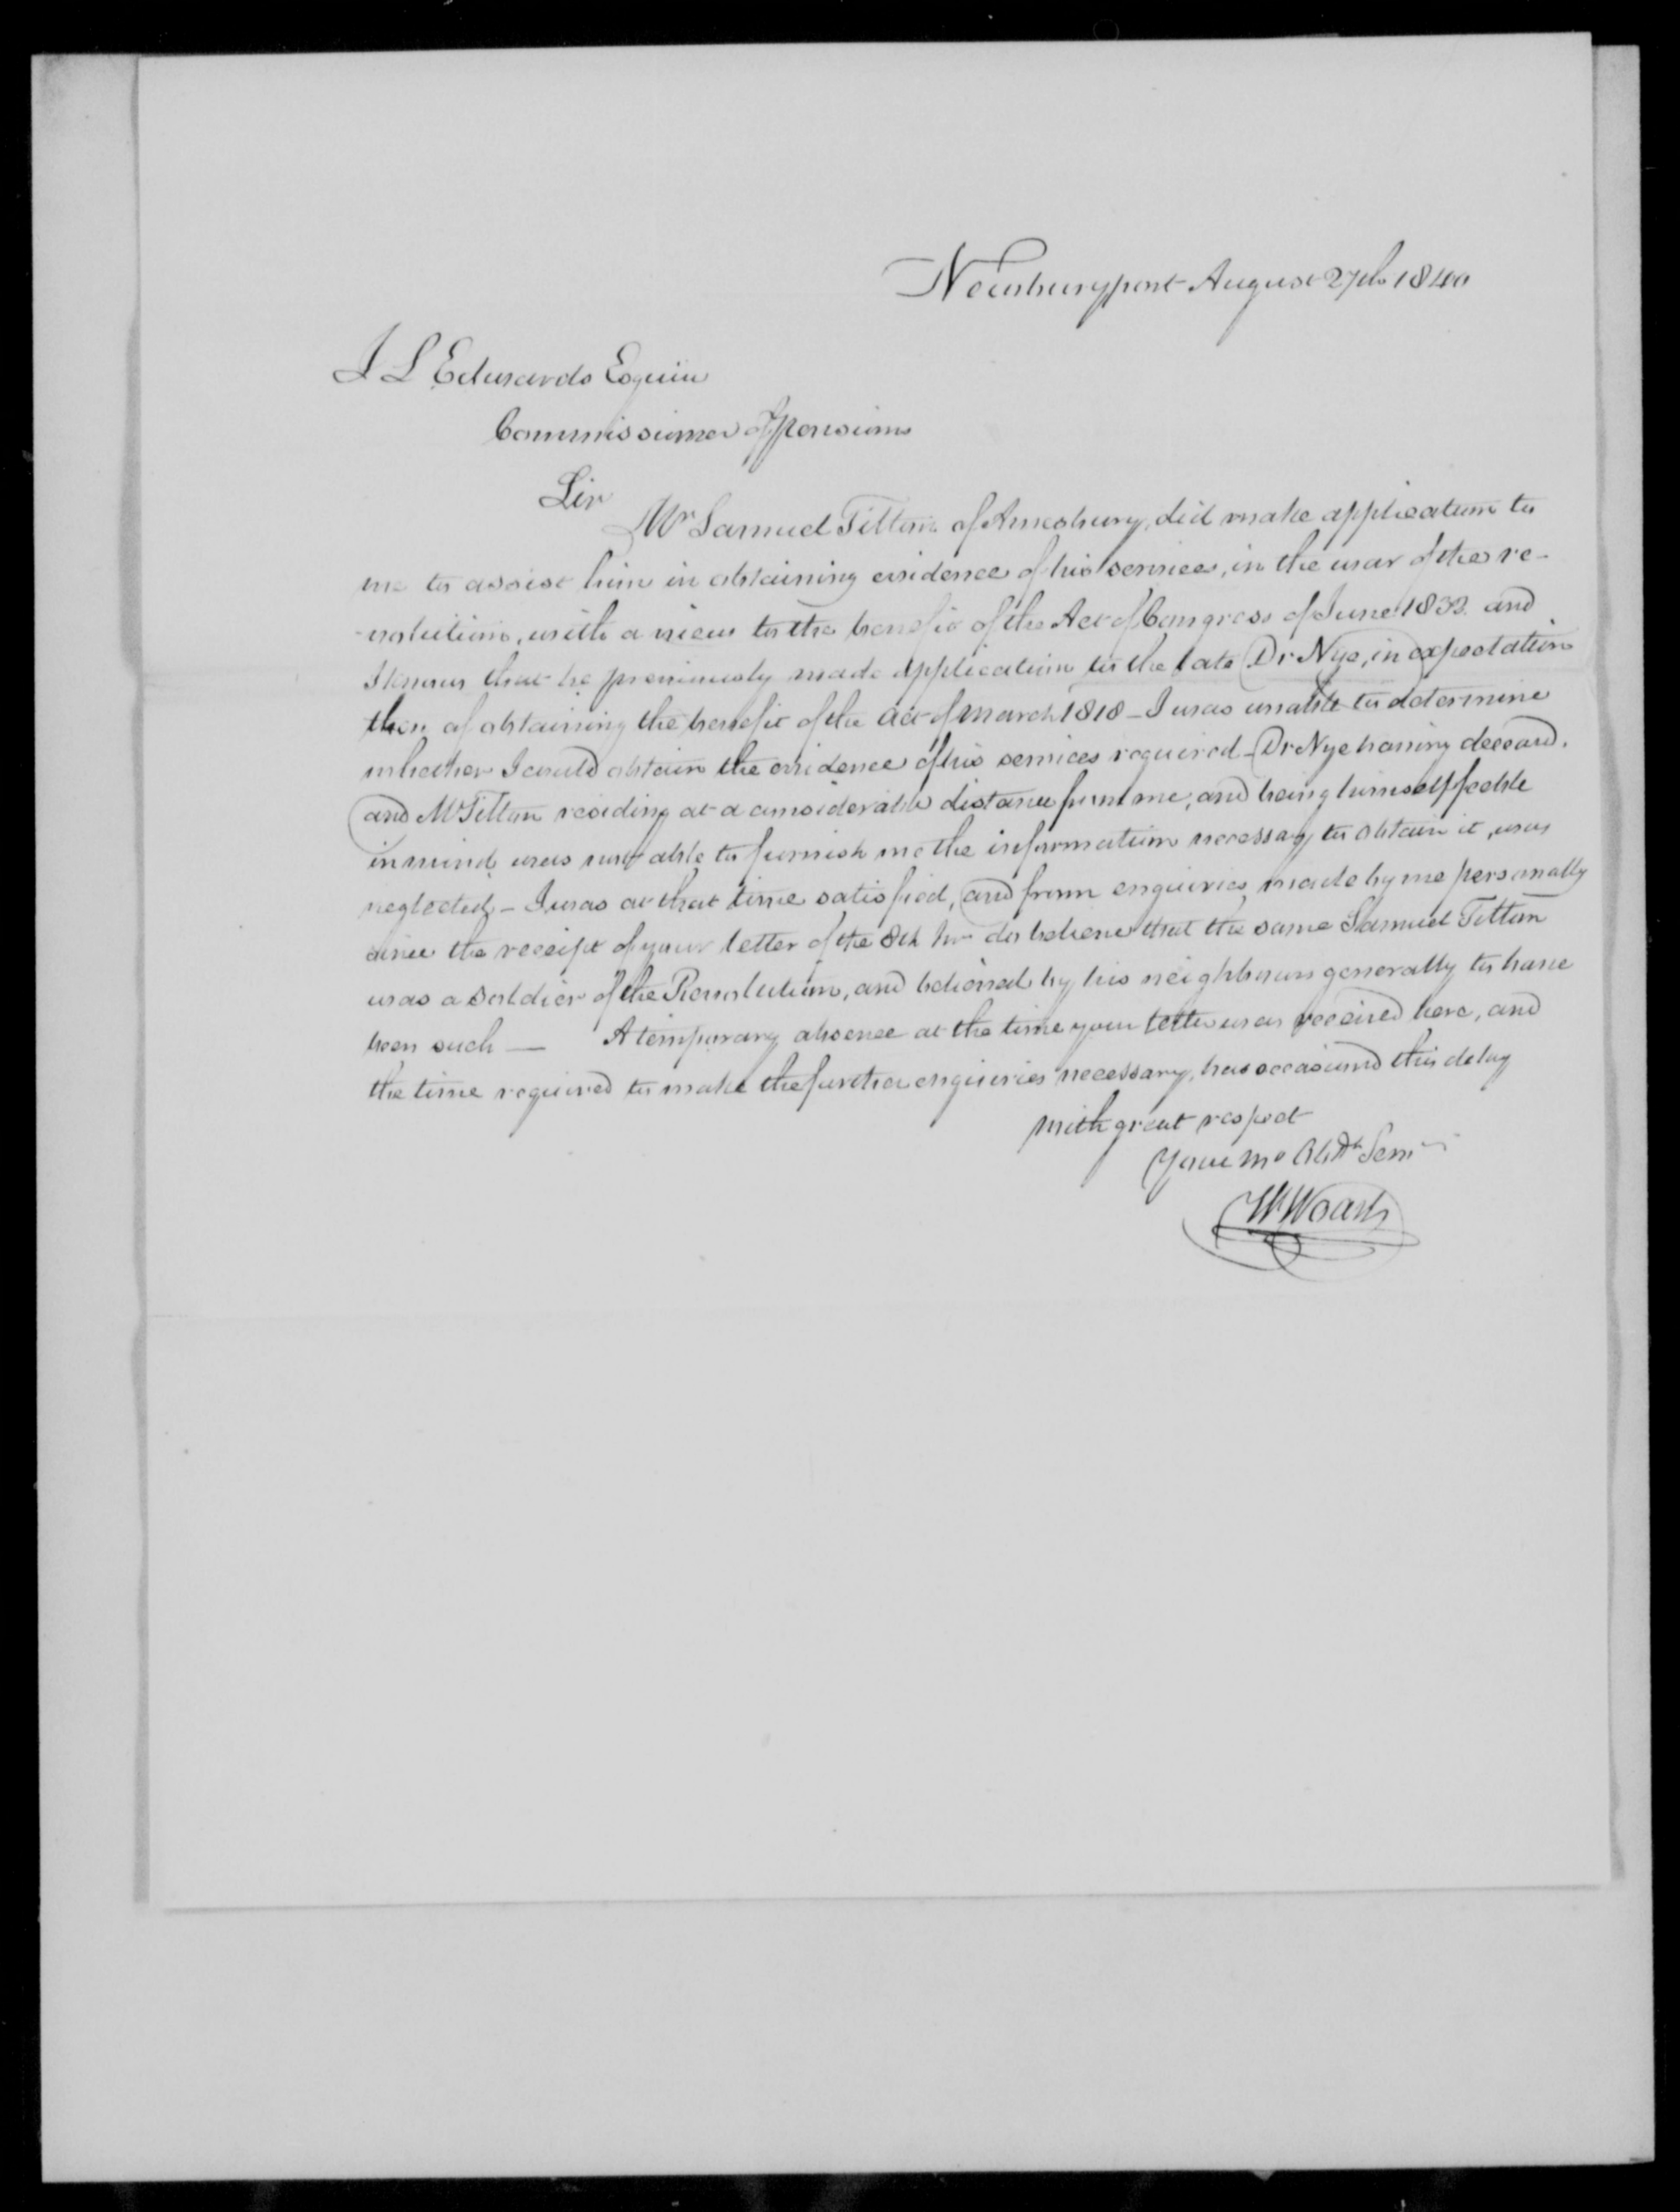Newburyport August 27th 1840
J L Edwards Esquire
Commissioner of pensions
Sir
Mr Samuel Tilton of Amesbury, did make application to me to assist him in obtaining evidence of his services, in the war of the revolution, with a view to the benefit of the Act of Congress of June 1832, and I know that he previously made application to the late Dr Nye, in expectation then of obtaining the benefit of the act of March 1818 - I was unable to determine whether I could obtain the evidence of his services required - Dr Nye having deceased
and Mr Tilton residing at a considerable distance from me, and being himself feeble in mind was unable to furnish me the information necessary to obtain it, was neglected-- I was at that time satisfied, and from enquiries made by me personally
since the receipt of your letter of the 8th inst do believe that the same Samuel Tilton was a soldier of the Revolution, and believed by his neighbours generally to have been such
A temporary absence at the time your letter was received here, and the time required to make the further enquiries necessary, has occasioned this delay
with great respect
Your Obd Sem [Obedient Servant]
W Woart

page: 54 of 55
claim: widow's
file: W. 14,021, for Samuel Tilton, New Hampshire